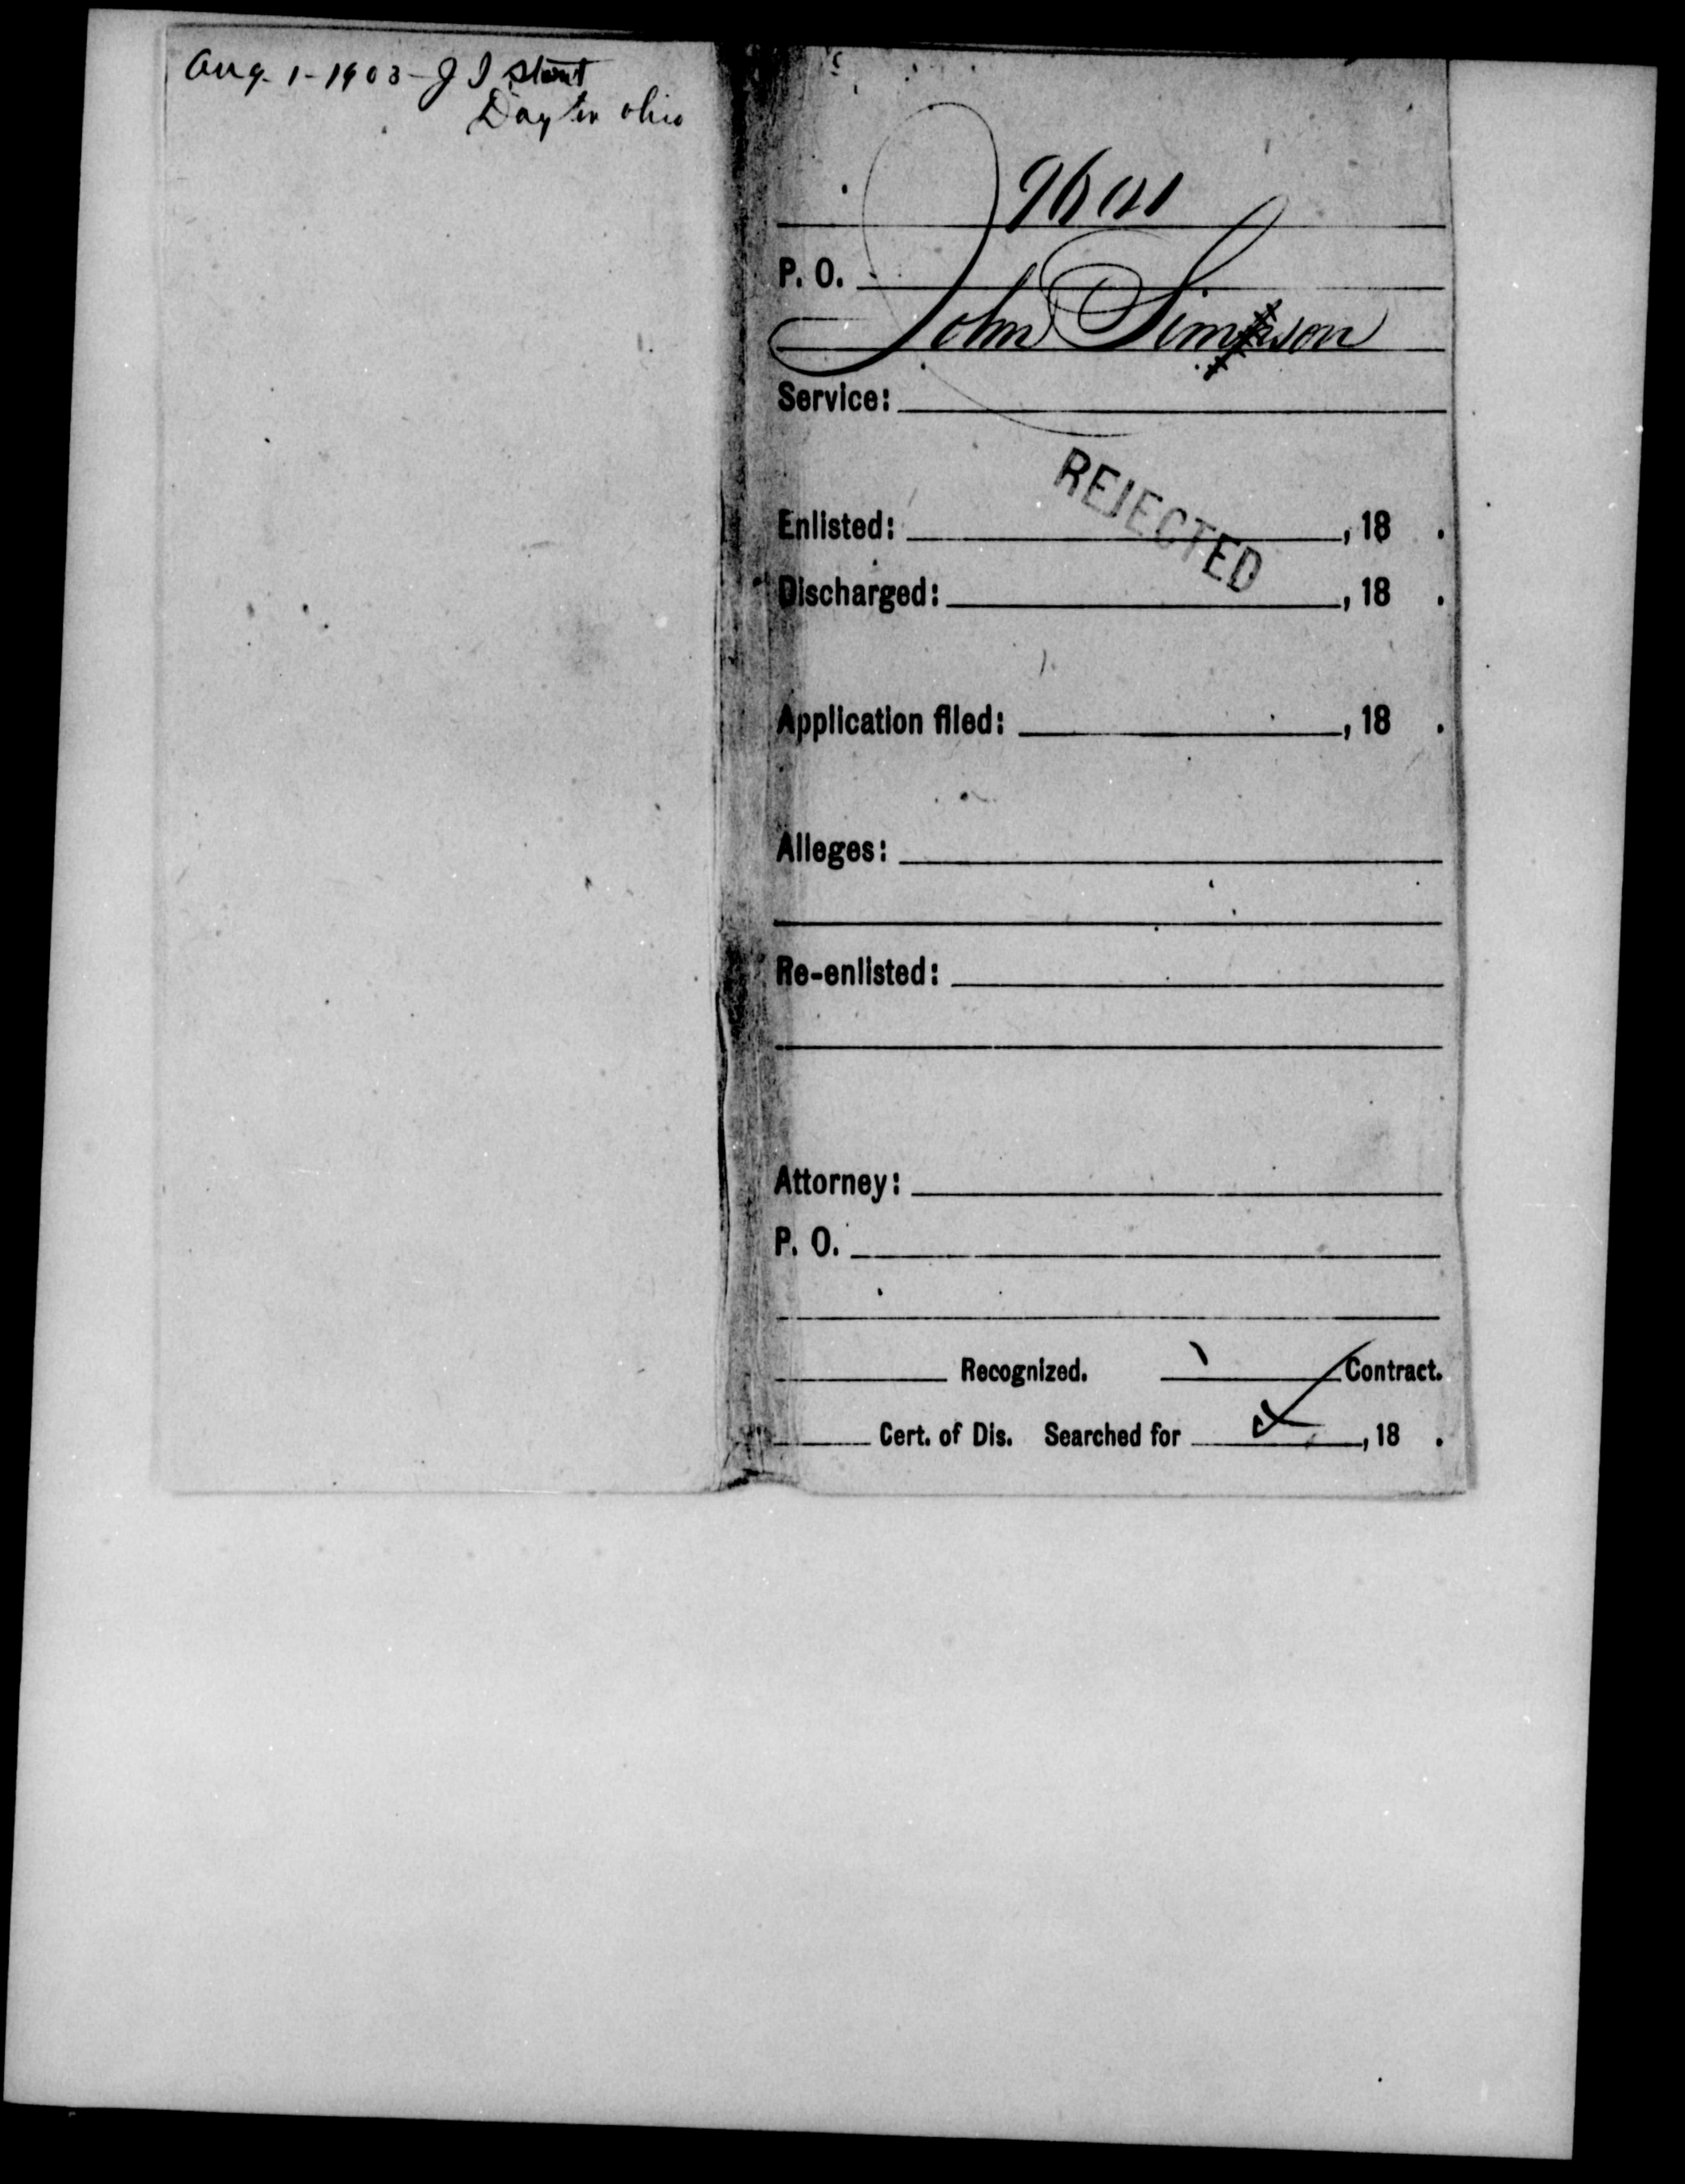[left side]
Aug. 1-1903 -  J J Stewart
Dayton Ohio

[right side}
9601
P. O. ________________
____John Sim['p' crossed out]son
Service: _____________________
REJECTED
Enlisted: _____________________ , 18    .
Discharged: __________________, 18   .

Application filed: _______________, 18   .

Alleges: _____________________
_____________________________
Re-enlisted: __________________
_____________________________

Attorney: _____________________
P. O. _________________________
_____________________________
________ Recognized. ________ Contract.
_____ Cert. of Dis.   Searched for _______,18  .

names: John Simson; J J Stewart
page: 18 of 35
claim: rejected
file: R. 9601, for John Simson, New Jersey